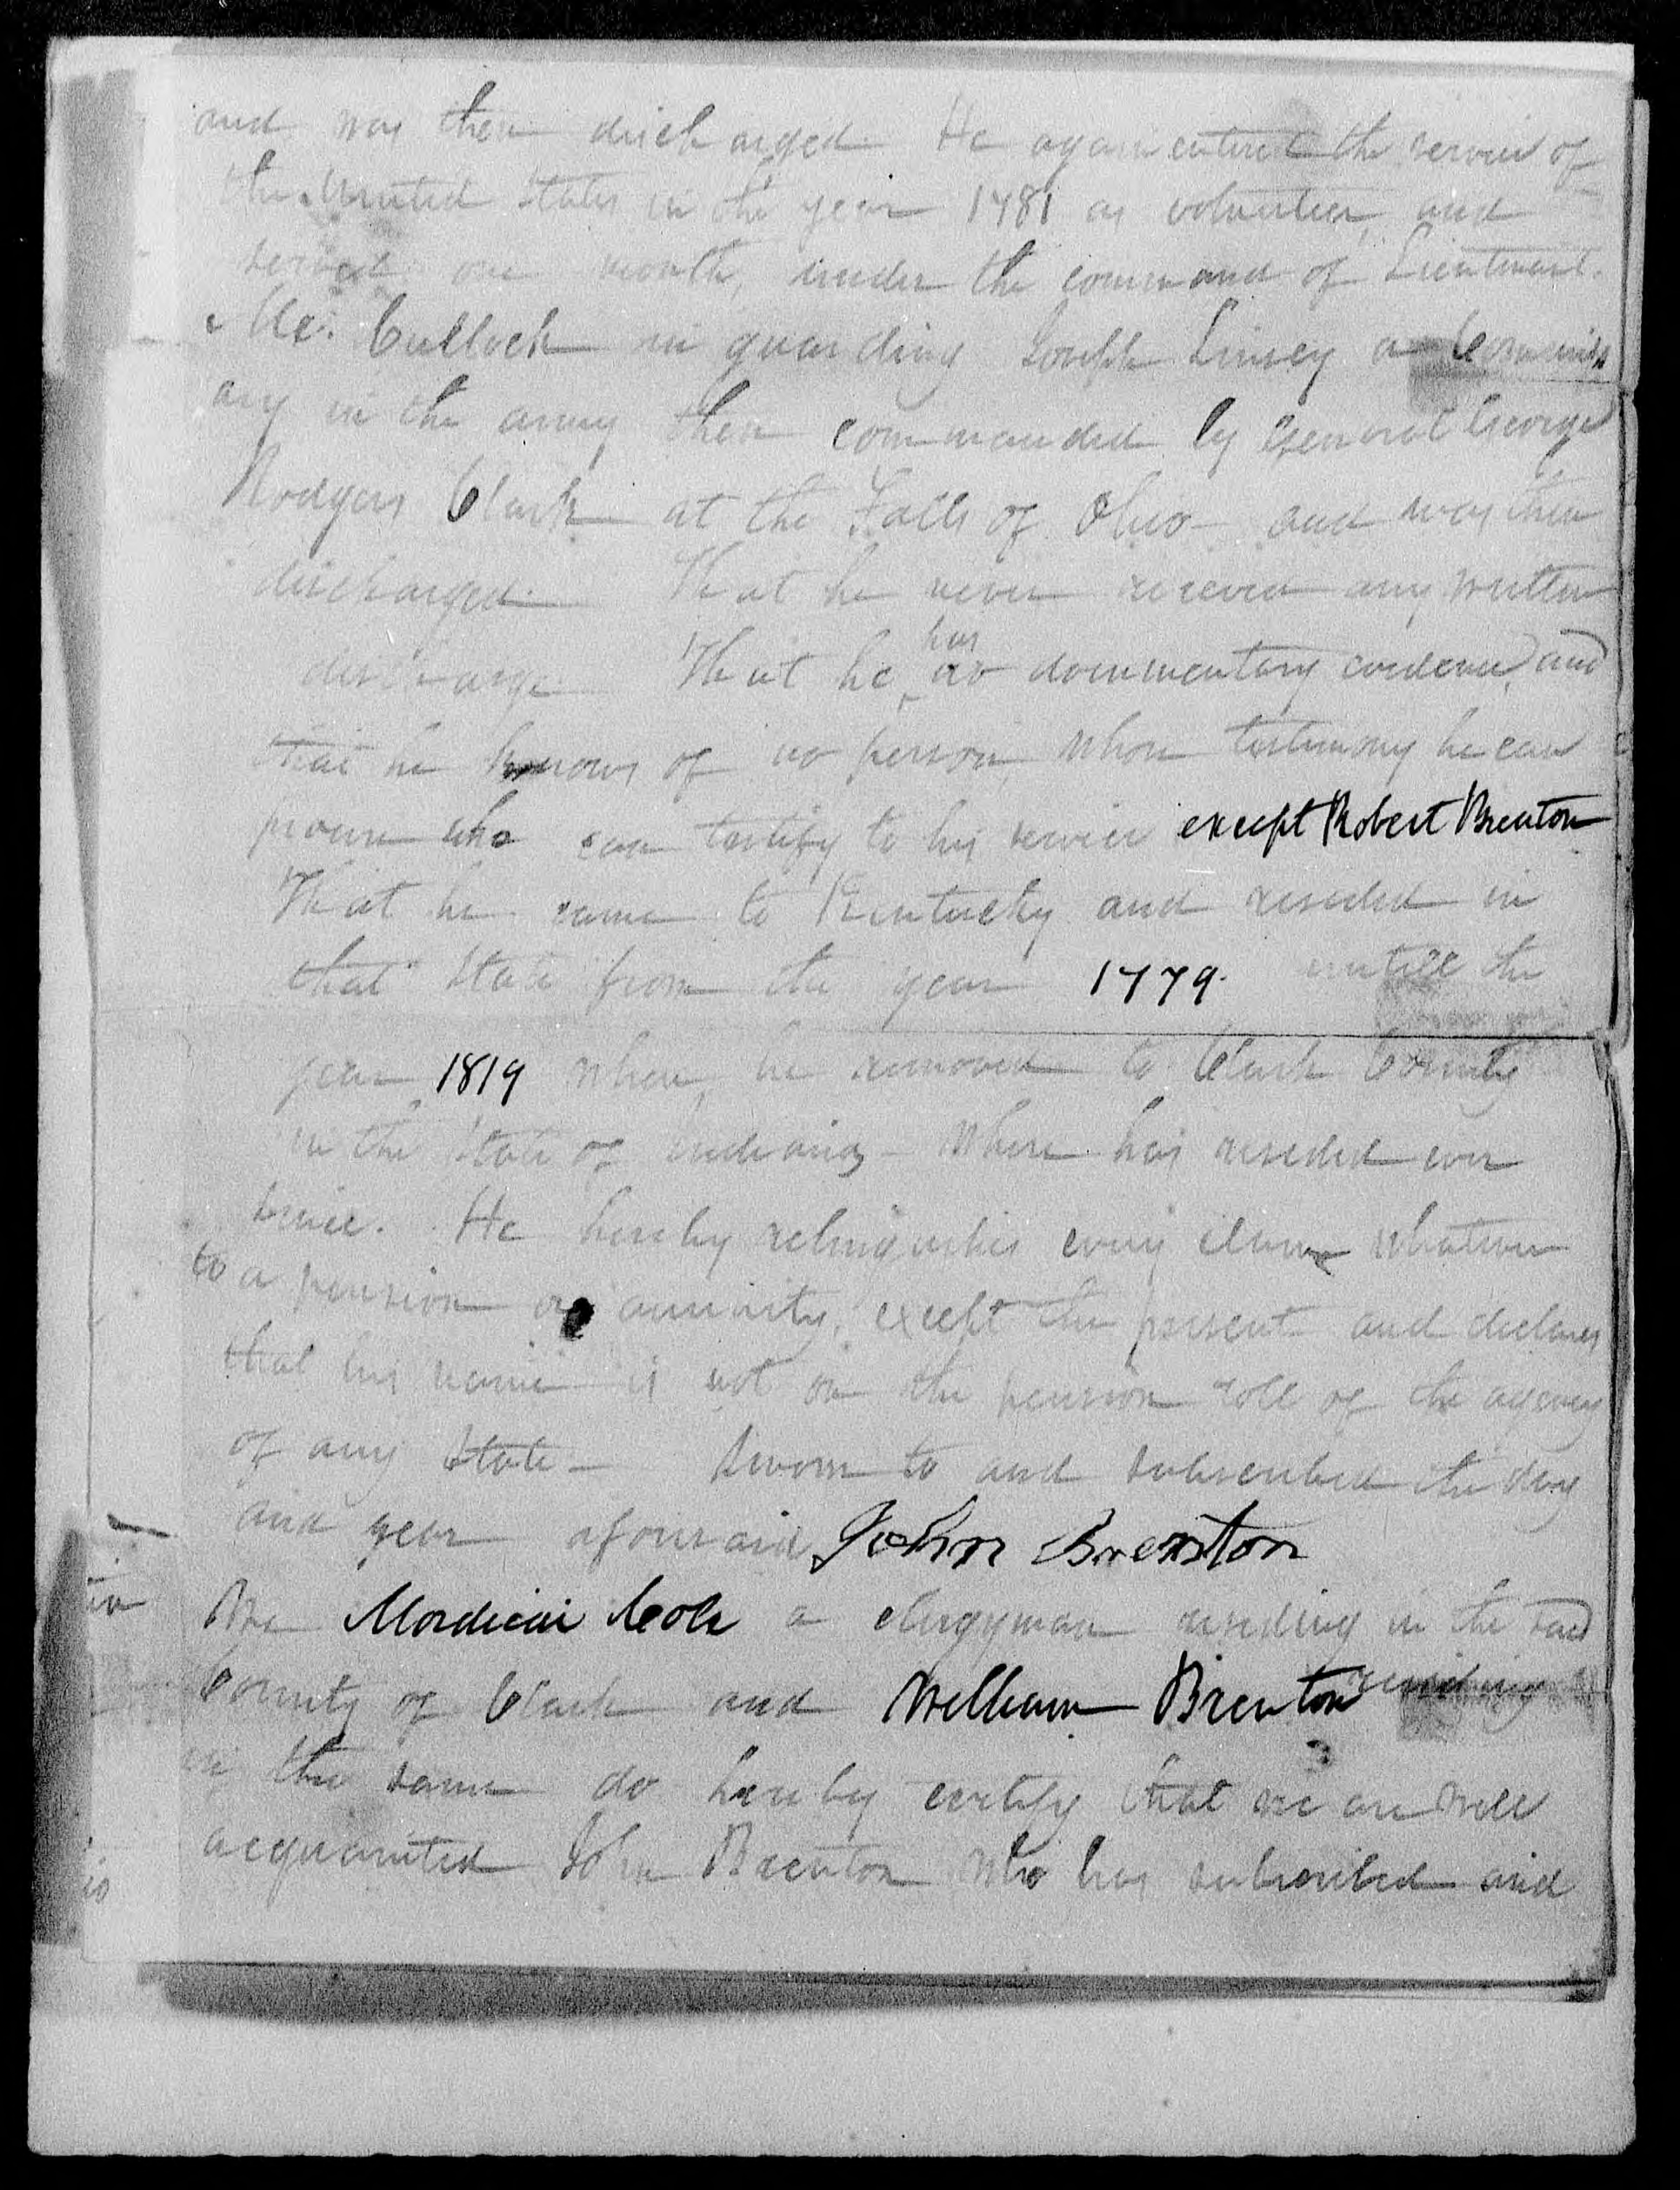and was there [two illegible words]. He again entered the service of the United States in the year 1781 as volunteer and served one month under the command of Lieutenant McCulloch in guarding [illegible] Linsey and [illegible] in the army then commanded by General George Rogers Clark at the Falls of Ohio and was then discharged. That he never received any written discharge. That he has no documentary evidence and that he knows of no persons whose testimony he can prove who can testify to his service excerpt Robert Brenton. That he came to Kentucky and resided in that State from the year 1779 until the year 1819 when he removed to Clark County in the State of Indiana where he's resided ever since. He hereby relinquishes every claim whatever to a pension or annuity except the present and declares that his name is not on the pension roll of the agency of any State. Sworn to and subscribed the day and year aforesaid. John Brenton
Mordicai Cole a clergyman residing in the County of Clark and William Brenton residing in the same do hereby certify that we are well acquainted John Brenton who has subscribed and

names: John Brenton, Mc Culloch, Joseph Linsey, John Brenton, Robert Brenton, Mordicai Cole, William Brenton, George Rodgers Clark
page: 5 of 26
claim: survivor's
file: S. 16059, John Brenton, Penn. Va.